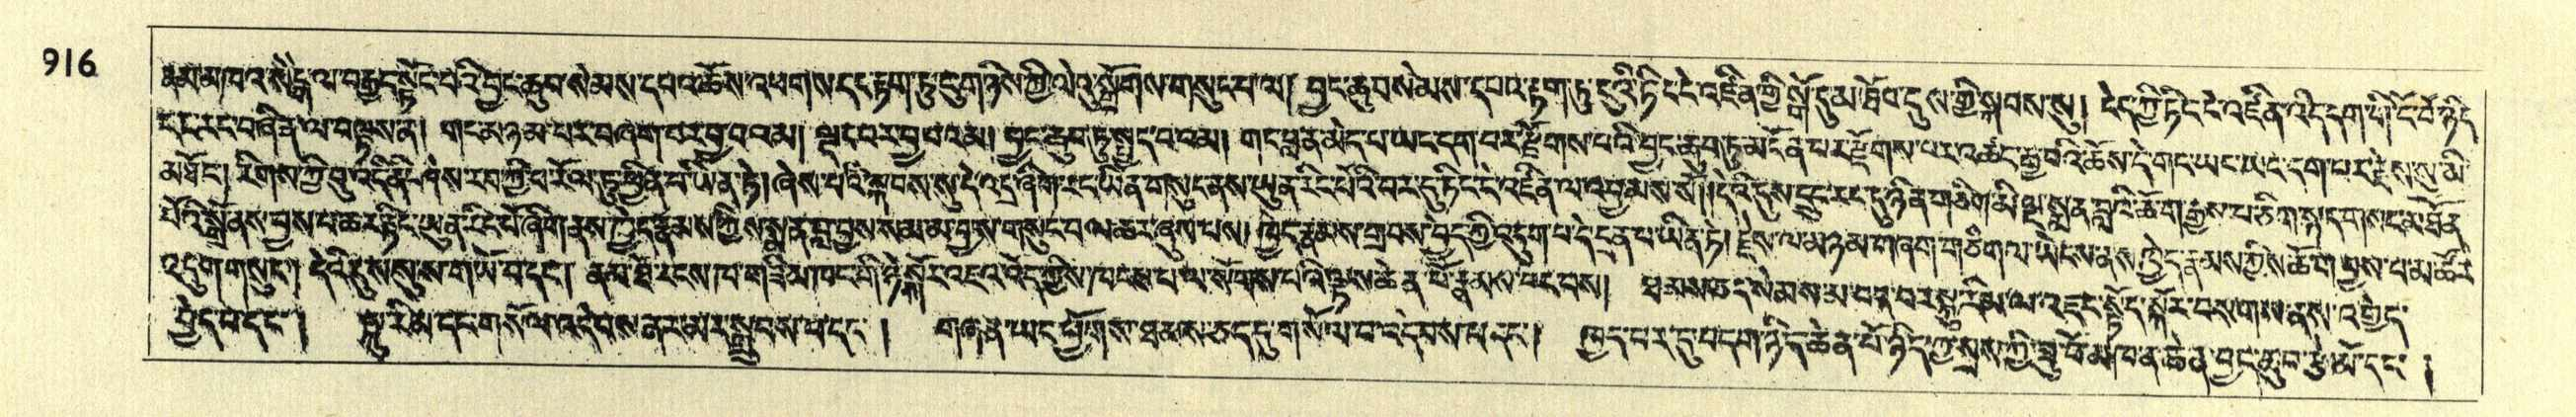ནམ་མཁའ་སེངྒེ་ལ་བརྒྱད་སྟོང་བའི་བྱང་ཆུབ་སེམས་དཔའ་ཆོས་འཕགས་དང་རྟག་ཏུ་དུ་གཉིས་ཀྱི་ལེའུ་སྒྲོགས་གསུང་པ་ལ། བྱང་ཆུབ་སེམས་དཔའ་རྟག་ཏུ་དུའི་ཏིང་ངེ་འཛིན་གྱི་སྒོ་དུ་མ་ཐོབ་དུས་གྱི་སྐབས་སུ། ངེད་ཀྱི་ཏིང་ངེ་འཛིན་འདི་དག་གི་ངོ་བོ་ཉིད་
དང་རང་བཞིན་ལ་བལྟས་ན། གང་མཉམ་པར་བཞག་བར་བྱ་བའམ། ལྡང་བར་བྱ་པའམ། བྱང་ཆུབ་ཏུ་སྤྱད་པ་འམ། གང་བླ་ན་མེད་པ་ཡང་དག་པར་རྫོགས་པའི་བྱང་ཆུབ་ཏུ་མངོན་པར་རྫོགས་པར་འཚང་རྒྱ་བའི་ཆོས་དེ་གང་ཡང་ཡང་དག་པར་རྗེས་སུ་མི་
མཐོང་། རིགས་ཀྱི་བུ་འདི་ནི་ཤེས་རབ་ཀྱི་ཕ་རོལ་ཏུ་ཕྱིན་པ་ཡིན་ཏེ། ཞེས་པའི་སྐབས་སུ་དེ་འདྲ་ཞིག་རང་ཡིན་གསུང་ནས་ཡུན་རིང་པོའི་བར་དུ་ཏིང་ངེ་འཛིན་ལ་འབྱམས་སོ། །དེའི་དུས་དྲུང་རང་དུ་ཉིན་གཅིག་མི་ལྔ་སྨན་བླའི་ཆོ་ག་རྒྱས་པ་ཅིག་སྐད་གསང་མཐོན་
པོའི་སྒྲོ་ནས་བྱས་པ་ཆར་རྟིང་ཡུན་རིང་པོ་ཞིག་ནས་ཁྱེད་རྣམས་ཀྱིས་སྨན་བླ་བྱས་སམ་མ་བྱ་ས་གསུང་བལ་ཆར་ཞུས་པས། ཁྱེད་རྣམས་གྲབས་བྱེད་ཀྱི་འདུག་པ་དེ་དྲན་པ་ཡིན་ཏེ། རྗེས་ལ་མཉམ་གཞག་གཅིག་ལ་ཡེངས་ནས་ཁྱེད་རྣམས་ཀྱིས་ཆོ་ག་བྱས་པ་མཚོར་
འདུག་གསུང་། དེའི་དུས་སུ་ས་གཡོ་བ་དང་། ནམ་ཐོ་རངས་ཁ་གཟིམ་ཁང་གི་ཉེ་སྐོར་འཇའ་འོད་ཀྱིས་ཁངས་པ་ལ་སོགས་པའི་ལྟས་ཆེན་པོ་རྣམས་པང་བས། ཐམས་ཅད་སེམས་མ་བད་བར་སྐུ་རིམ་ལ་འཇང་སྟོང་སྐོར་བསགས་ནས་འགྱེད་
བྱེད་པ་དང་། སྐུ་རིམ་དང་གསོལ་འདེབས་ནར་མར་སྒྲུབས་པ་དང་། གཞན་ཡང་ཕྱོགས་ཐམས་ཅད་དུ་གསོལ་བ་འདེབས་པ་དང་། ཁྱད་པར་དུ་བདག་ཉིད་ཆེན་པོ་ཉིད་ཀྱི་སྲས་ཀྱི་ཟུ་ཕོ་མཁན་ཆེན་བྱང་ཆུབ་རྩེ་མོ་དང་།